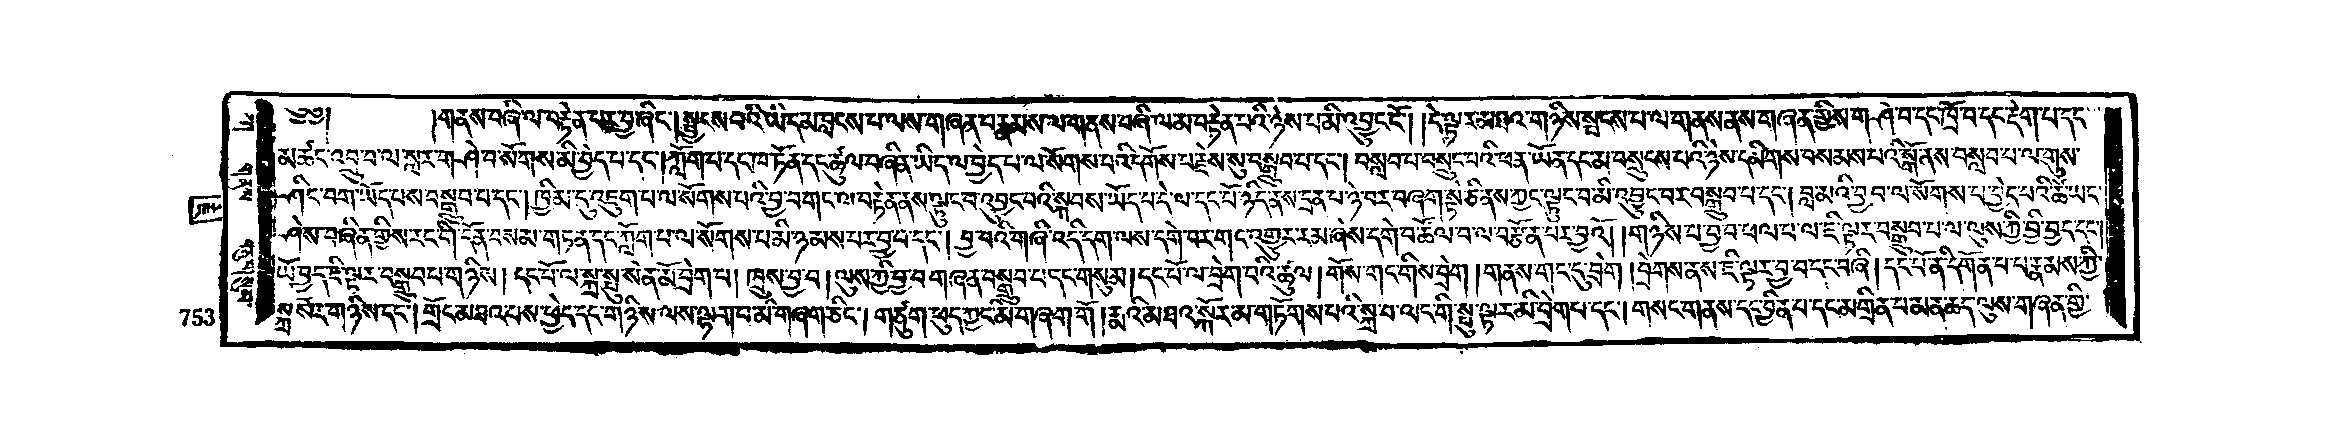༄༅། །གནས་བཞི་ལ་བརྟེན་པར་བྱ་ཞིང་། སྦྱངས་པའི་ཡིད་མ་བླངས་པ་ལས་གཞན་པ་རྣམས་ལ་གནས་བཞི་ལ་མ་བརྟེན་པའི་ཉེས་པ་མི་འབྱུང་ངོ། །དེ་ལྟར་མཐའ་གཉིས་སྤངས་པ་ལ་གནས་ནས་གཞན་གྱིས་གཤེ་བ་དང་ཁྲོ་བ་དང་རྡེག་པ་དང་
མཚང་འབྲུ་བ་ལ་སླར་གཤེ་བ་སོགས་མི་བྱེད་པ་དང་། ཀློག་པ་དང་ཁ་ཏོན་དང་ཚུལ་བཞིན་ཡིད་ལ་བྱེད་པ་ལ་སོགས་པའི་དགོས་པ་རྗེས་སུ་བསྒྲུབ་པ་དང་། བསླབ་པ་བསྲུང་པའི་ཕན་ཡོན་དང་མ་བསྲུངས་པའི་ཉེས་དམིགས་བསམས་པའི་སྒོ་ནས་བསླབ་པ་ལ་གུས་
ཤིང་བག་ཡོད་པས་བསྒྲུབ་པ་དང་། ཁྱིམ་དུ་འཇུག་པ་ལ་སོགས་པའི་བྱ་བ་གང་ལ་བརྟེན་ནས་ལྟུང་བ་འབྱུང་བའི་སྐབས་ཡོད་པ་དེ་ལ་དང་པོ་ཉིད་ནས་དྲན་པ་ཉེ་བར་བཞག་སྟེ་ཅི་ནས་ཀྱང་ལྟུང་བ་མི་འབྱུང་བར་བསྒྲུབ་པ་དང་། བླ་མའི་བྱ་བ་ལ་སོགས་པ་བྱེད་པའི་ཚེ་ཡང་
ཤེས་བཞིན་གྱིས་རང་གི་དོན་བསམ་གཏན་དང་ཀློག་པ་ལ་སོགས་པ་མི་ཉམས་པར་བྱ་བ་དང་། བྱ་བའི་གཞི་འདི་དག་ལས་དགེ་བར་གང་འགྱུར་རམ་ཞེས་དགེ་བ་ཚོལ་བ་ལ་བརྩོན་པར་བྱའོ། །གཉིས་པ་བྱ་བ་ཕལ་པ་ལ་ཇི་ལྟར་བསྒྲུབ་པ་ལ་ལུས་ཀྱི་བྱི་བྱེད་དང་།
ཡོ་བྱད་ཇི་ལྟར་བསྒྲུབ་པ་གཉིས། དང་པོ་ལ་སྐྲ་སྤུ་སེན་མོ་བྲེག་པ། ཁྲུས་བྱ་བ། ལུས་ཀྱི་བྱ་བ་གཞན་བསྒྲུབ་པ་དང་གསུམ། དང་པོ་ལ་བྲེག་པའི་ཚུལ། གོས་གང་གིས་བྲེག །གནས་གང་དུ་བྲེག །བྲེགས་ནས་ཇི་ལྟར་བྱ་བ་དང་བཞི། དང་པོ་ནི་དགོན་པ་པ་རྣམས་ཀྱི་
སྐྲ་སོར་གཉིས་དང་། གྲོང་མཐའ་པས་ཕྱེད་དང་གཉིས་ལས་ལྷག་པ་མི་གཞག་ཅིང་། གཙུག་ཕུད་ཀྱང་མི་གཞག་གོ །རྨའི་མཐའ་སྐོར་མ་གཏོགས་པའི་སྐྲ་བ་ལང་གི་སྤུ་ལྟར་མི་བྲེག་པ་དང་། གསང་གནས་དང་བྱིན་པ་དང་མགྲིན་པ་མན་ཆད་ལུས་གཞན་གྱི་